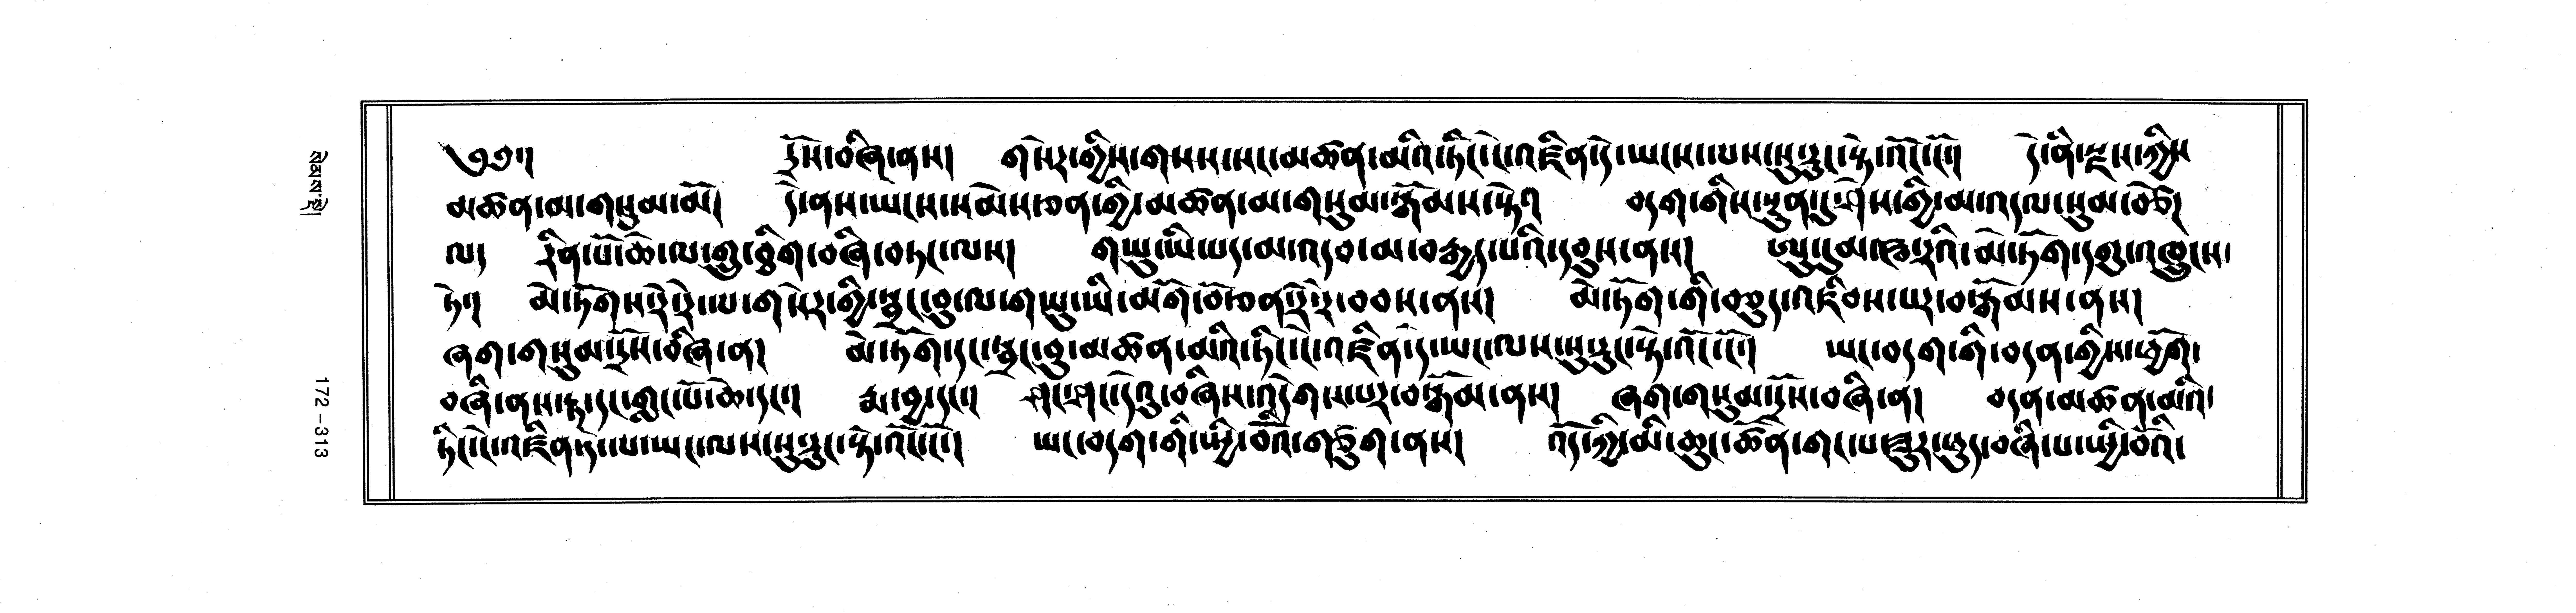དྲོས་བཞི་ནས། གསེར་གྱིས་གསས་སང་མཚན་མའི་ཏིང་ངེ་འཛིན་དེ་ཡང་ལས་སུ་རུང་སྟེ་འོང་ངོ་། དེ་ནི་རྫས་ཀྱིས་
མཚན་མ་གསུམ་མོ། དེ་ནས་ཡང་སེམས་ཅན་གྱི་མཚན་མ་གསུམ་སྒོམས་སྟེ། བདག་གིས་སྔུན་དུ་ཤེལ་གྱི་མ་འདལ་སུམ་བཙེགས་
ལ། རིན་པོ་ཆེ་ལ་གྲུབ་ཐིག་བཞི་གཏང་ལས། གཡུ་ཡི་པད་མ་འདབ་མ་བརྒྱད་པའི་དབུས་ནས། ཨུ་དུམ་ཝ་རའི་མེ་ཏོག་དགུ་འཁྲུངས་
ཏེ། མེ་ཏོག་རེ་རེ་ལ་གསེར་གྱི་སྦྲང་བུ་ལ་གཡུ་ཡི་མགོ་བོ་ཅན་རེ་རེ་བབས་ནས། མེ་ཏོག་གི་བཅུད་འཇིབས་པར་བསྒོམས་ནས། 
ཞག་གསུམ་དྲོས་བཞི་ན། མེ་ཏོག་དང་བྲང་བུ་མཚན་མའི་ཏིང་ངེ་འཛིན་དེ་ཡང་ལས་སུ་རུང་སྟེ་འོང་ངོ་། ཡང་བདག་གི་བདན་གྱིས་ཕྱོགས་
བཞི་ནས་རྟ་དང་གླང་པོ་ཆེ་དང་། རྨ་བྱ་དང་། ཤང་ཤང་དེའུ་བཞིས་འདེགས་པར་བསྒོམ་ནས། ཞག་གསུམ་དྲོས་བཞི་ན། བདན་མཚན་མའི་
ཏིང་ངེ་འཛིན་དེ་ལ་ཡང་ལས་སུ་རུང་སྟེ་འོང་ངོ་། ཡང་བདག་གི་སྤྱི་བོའི་གཙུག་ནས། འོད་ཀྱི་མི་ཆུང་ཚོན་གང་པ་ཟུར་ཕུད་བཞི་པ་སྤྱི་བོའི་